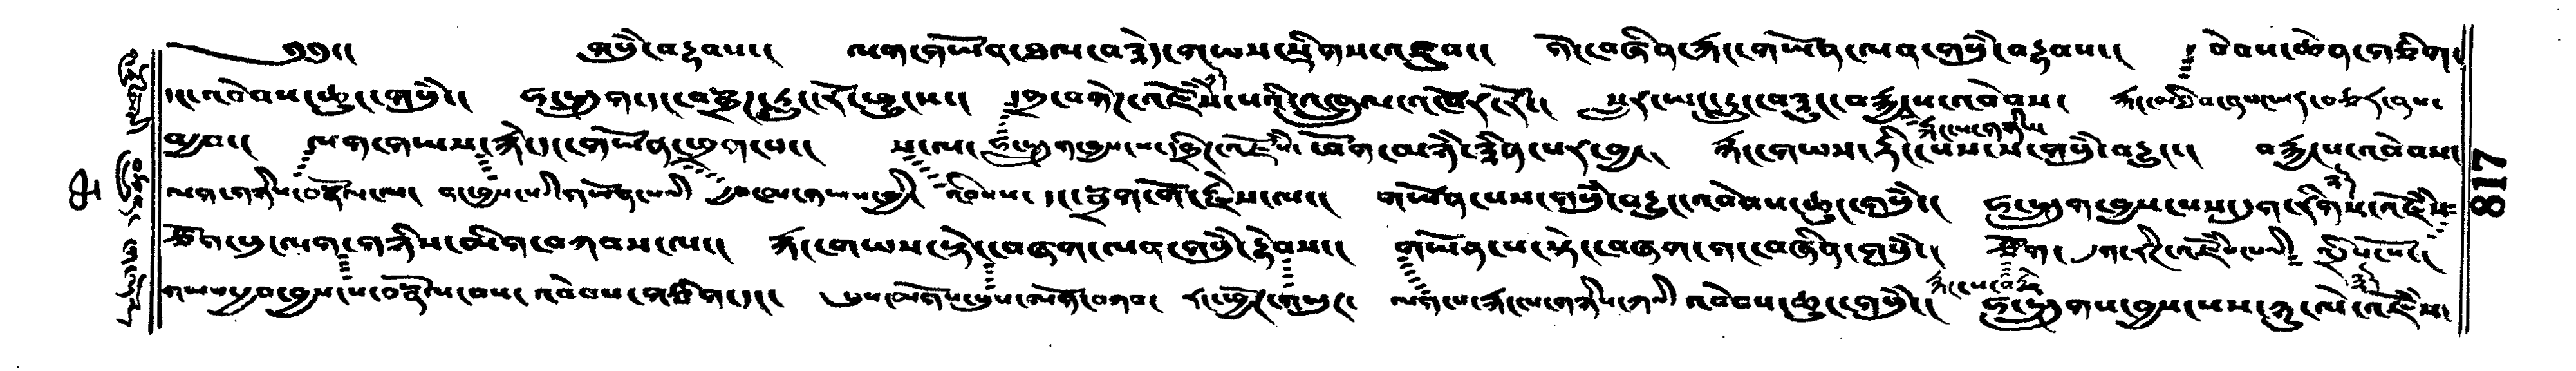གསུམ་བརྡབ། །ལག་གཡོན་ཐལ་བཟེད་གཡས་སྡིགས་འཛུབ། །གོང་བཞིན་རྐང་གཡོན་ལན་གསུམ་བརྡབ། །འབེབས་ཆེན་གཅིག་
དང་འབེབས་ཆུང་གསུམ། །ཧ་སྤྲུག་དང་སྦྲགས་རླུང་རོ་ཕྱུངས། །དགྲ་བགེགས་འཇོམས་པའི་འཁྲུལ་འཁོར་རོ། །སླར་ཡང་རླུང་བཟུང་བརྐྱང་འབེབས་
བརྒྱབ། །ལག་གཡས་རྐེ་དང་གཡོན་ཕྲག་པ། །ས་ལ་ཕོག་མཉམ་ཟིན་པར་བྱ། །རྐང་གཡས་རྟིང་པས་ས་གསུམ་བརྡུང་། །བརྐྱང་འབེབས་
དང་སྦྲགས་གོ་རྗེས་ལ། །གཡོན་པས་གསུམ་བརྡུང་འབེབས་ཆུང་གསུམ། །ཧ་སྤྲུག་བྱས་པས་དུག་རིགས་འཇོམས། །
ཙོག་པུ་ལག་གཉིས་མིག་བཀབས་ལ། །རྐང་གཡས་སྟེང་བཞག་ལན་གསུམ་རྡེབ། །གཡོན་པ་སྟེང་བཞག་གོང་བཞིན་གསུམ། །ཙོག་
འབེབས་གཅིག་དང་འབེབས་ཆུང་གསུམ། །ཧ་སྤྲུགས་བྱས་པས་ཉུ་ལེ་འཇོམས།